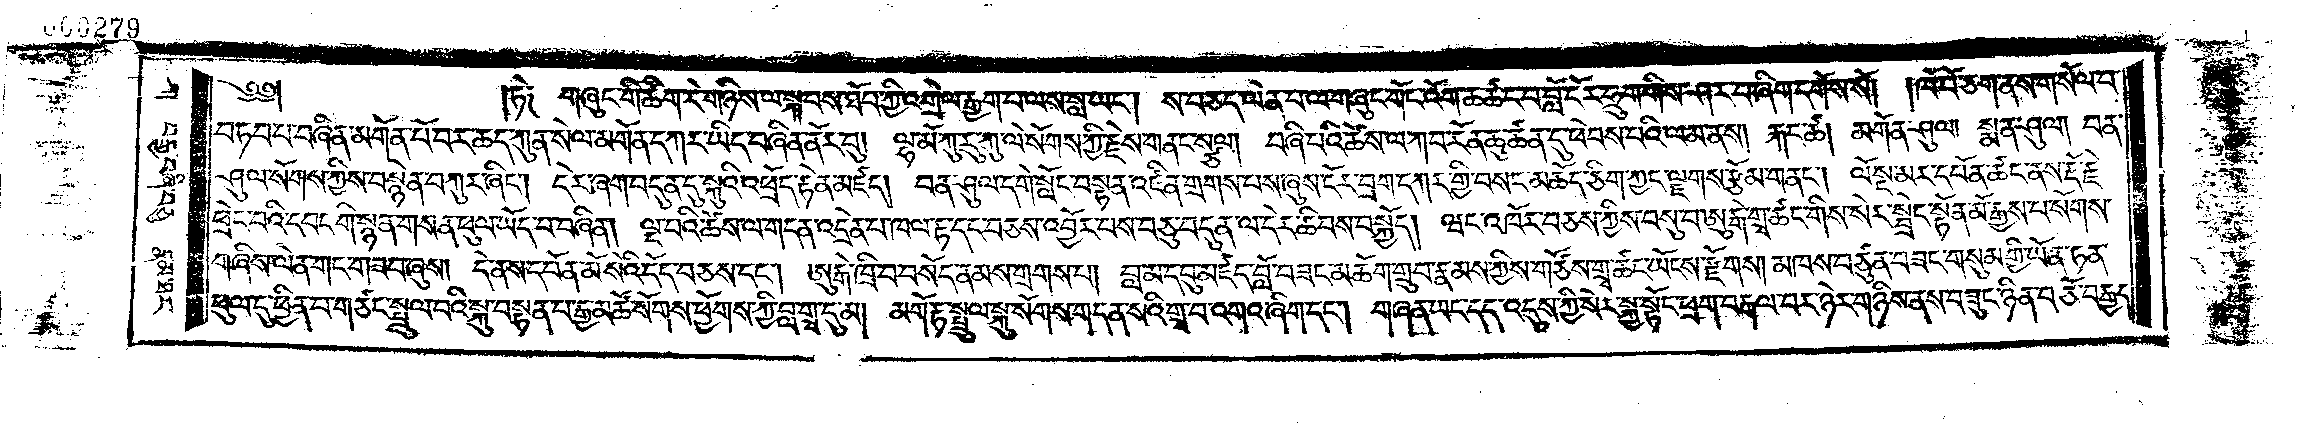༄༅། །ཏེ༑ གཞུང་གི་ཚིག་རེ་གཉིས་ལ་སྐབས་ཐོབ་ཀྱི་འགྲེལ་རྒྱག་པ་ལས་སླ་ཡང་། ས་བཅད་ལེན་པ་ལ་གཞུང་གོང་འོག་ཆ་ཚང་བ་བློ་ངོར་ཧྲུག་གིས་ཤར་བ་ཞིག་དགོས་སོ། །ཁོ་བོ་ཅག་ནས་གསོལ་བ་
བཏབ་པ་བཞིན་མགོན་པོ་བར་ཆད་ཀུན་སེལ་མགོན་དཀར་ཡིད་བཞིན་ནོར་བུ། ལྷ་མོ་ཀུ་རུ་ཀུ་ལེ་སོགས་ཀྱི་རྗེས་གནང་སྩལ། བཞི་པའི་ཚེས་ལ་ཀབ་རོན་ཆུ་ཚན་དུ་ཕེབས་པའི་ལམ་ནས། རྐང་ཚ། མགོན་ཤུལ། སྨན་ཤུལ། བན་
ཤུལ་སོགས་ཀྱིས་བསྙེན་བཀུར་ཞིང་། དེར་ཞག་བདུན་དུ་སྐུའི་འཕྲོད་རྟེན་མཛད། བན་ཤུལ་དགེ་སློང་བསྟན་འཛིན་གྲགས་པས་ཞུས་ངོར་བྲག་དཀར་གྱི་བསང་མཆོད་ཅིག་ཀྱང་ལྗགས་རྩོམ་གནང་། ལོ་སྔ་མར་དཔོན་ཚང་ནས་རྡོ་རྗེ་
ཕྲེང་བའི་དབང་གི་སྙན་གསན་ཕུལ་ཡོད་པ་བཞིན། ལྔ་པའི་ཚེས་ལ་གདན་འདྲེན་པ་ཁལ་རྟ་དང་བཅས་འབྱོར་པས་བཅུ་བདུན་ལ་དེར་ཆིབས་བསྐྱོད། ཝང་འཁོར་བཅས་ཀྱིས་བསུ་བ་ཨུརྒེ་གྲྭ་ཚང་གིས་སེར་སྦྲེང་སྟོན་མོ་རྒྱས་པ་སོགས་
གཞིས་ལེན་གང་གཟབ་ཞུས། དེ་ནས་དབོན་མོ་སེའི་དོད་བཅས་དང་། ཨུརྒེ་ཁྲི་བ་བསོད་ནམས་གྲགས་པ། བླ་མ་དབུ་མཛད་བློ་བཟང་མཆོག་གྲུབ་རྣམས་ཀྱིས་གཙོས་གྲྭ་ཚང་ཡོངས་རྫོགས། མཁས་བཙུན་བཟང་གསུམ་གྱི་ཡོན་ཏན་
ཕུལ་དུ་ཕྱིན་པ་གཙང་སྤྲུལ་བའི་སྐུ་བསྟན་པ་རྒྱ་མཚོ་སོགས་ཕྱོགས་ཀྱི་བླ་གྲྭ་དུ་མ། མགོ་རྟ་སྤྲུལ་སྐུ་སོགས་གདན་སའི་གྲྭ་བ་འགའ་ཞིག་དང་། གཞན་ཡང་དད་འདུས་ཀྱི་སེར་སྐྱ་སྟོང་ཕྲག་བརྒལ་བར་ཉེར་གཉིས་ནས་བཟུང་ཉིན་བཅོ་བརྒྱད་